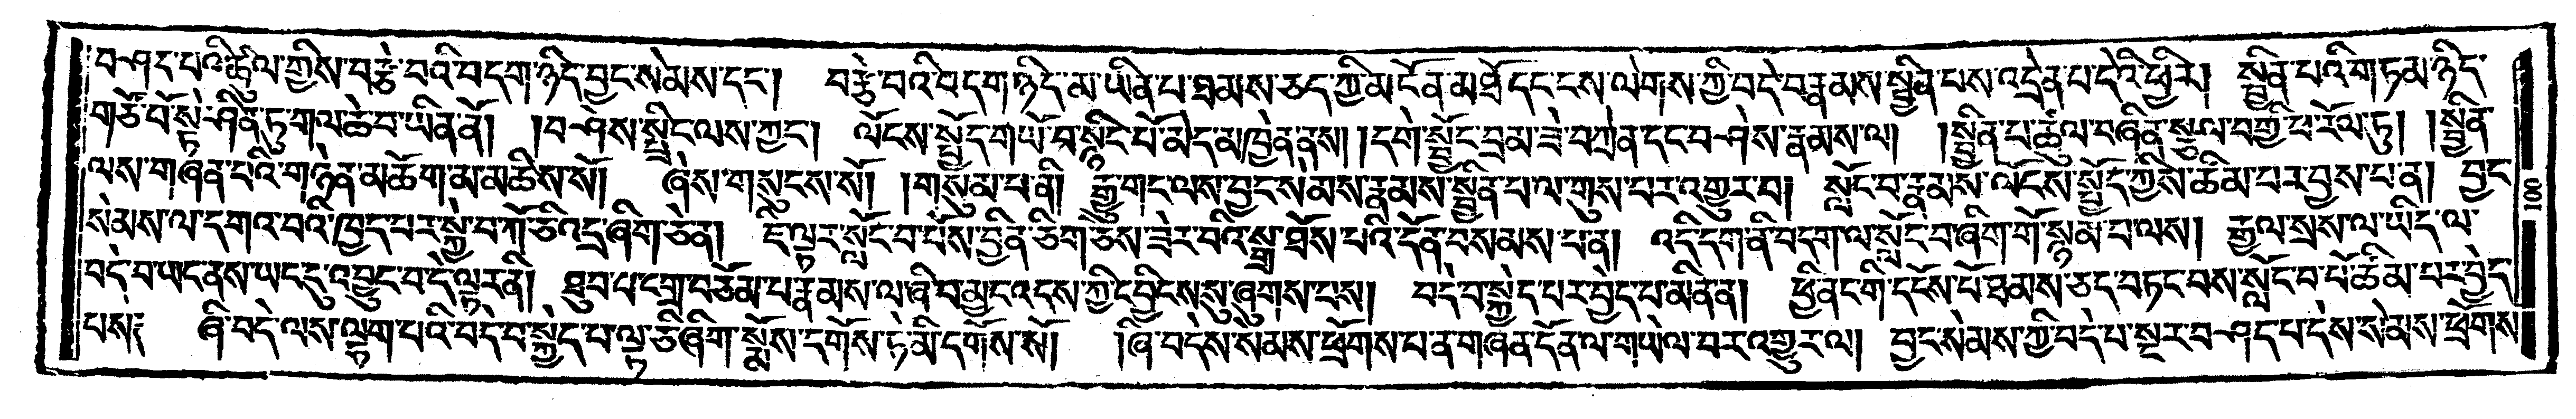བཤད་པའི་ཚུལ་གྱིས་བརྩེ་བའི་བདག་ཉིད་བྱང་སེམས་དང་། བརྩེ་བའི་བདག་ཉིད་མ་ཡིན་པ་ཐམས་ཅད་ཀྱི་མངོན་མཐོ་དང་ངེས་ལེགས་ཀྱི་བདེ་བ་རྣམས་སྦྱིན་པས་འདྲེན་པ་དེའི་ཕྱིར། སྦྱིན་པའི་གཏམ་ཉིད་
གཙོ་བོ་སྟེ་ཤིན་ཏུ་གལ་ཆེ་བ་ཡིན་ནོ། །བཤེས་སྤྲིང་ལས་ཀྱང་། ལོངས་སྤྱོད་གཡོ་བ་སྙིང་པོ་མེད་མཁྱེན་ནས། །དགེ་སྦྱོང་བྲམ་ཟེ་བཀྲེན་དང་བཤེས་རྣམས་ལ། །སྦྱིན་པ་ཚུལ་བཞིན་སྩལ་བགྱི་ཕ་རོལ་ཏུ། །སྦྱིན་
ལས་གཞན་པའི་གཉེན་མཆོག་མ་མཆིས་སོ། ཞེས་གསུངས་སོ། །གསུམ་པ་ནི། རྒྱུ་གང་ལས་བྱང་སེམས་རྣམས་སྦྱིན་པ་ལ་གུས་པར་འགྱུར་བ། །སློང་བ་རྣམས་ལོངས་སྤྱོད་ཀྱིས་ཚིམ་པར་བྱས་པ་ན། བྱང་
སེམས་ལ་དགའ་བའི་ཁྱད་པར་སྐྱེ་བ་ཀོ་ཅི་འདྲ་ཞིག་ཅི་ན། ཇི་ལྟར་སློང་བ་པོས་བྱིན་ཅིག་ཅེས་ཟེར་བའི་སྒྲ་ཐོས་པའི་དོན་བསམས་པ་ན། འདི་དག་ནི་བདག་ལ་སློང་བ་ཞིག་གོ་སྙམ་པ་ལས། རྒྱལ་སྲས་ལ་ཡིད་ལ་
བདེ་བ་ཡང་ནས་ཡང་དུ་འབྱུང་བ་དེ་ལྟར་ནི། ཐུབ་པ་དགྲ་བཅོམ་པ་རྣམས་ལ་ཞི་བ་མྱང་འདས་ཀྱི་དབྱིངས་སུ་ཞུགས་པས། བདེ་བ་སྐྱེད་པར་བྱེད་པ་མིན་ན། ཕྱི་ནང་གི་དངོས་པོ་ཐམས་ཅད་བཏང་བས་སློང་བ་པོ་ཚིམ་པར་བྱེད་
པས༑ ཞི་བ་དེ་ལས་ལྷག་པའི་བདེ་བ་སྐྱེད་པ་ལྟ་ཅི་ཞིག་སྨོས་དགོས་ཏེ་མི་དགོས་སོ། །ཞི་བ་དེས་སེམས་ཕྲོགས་པ་ན་གཞན་དོན་ལ་གཡེལ་བར་འགྱུར་ལ། བྱང་སེམས་ཀྱི་བདེ་བ་སྔར་བཤད་པ་དེས་སེམས་ཕྲོགས་